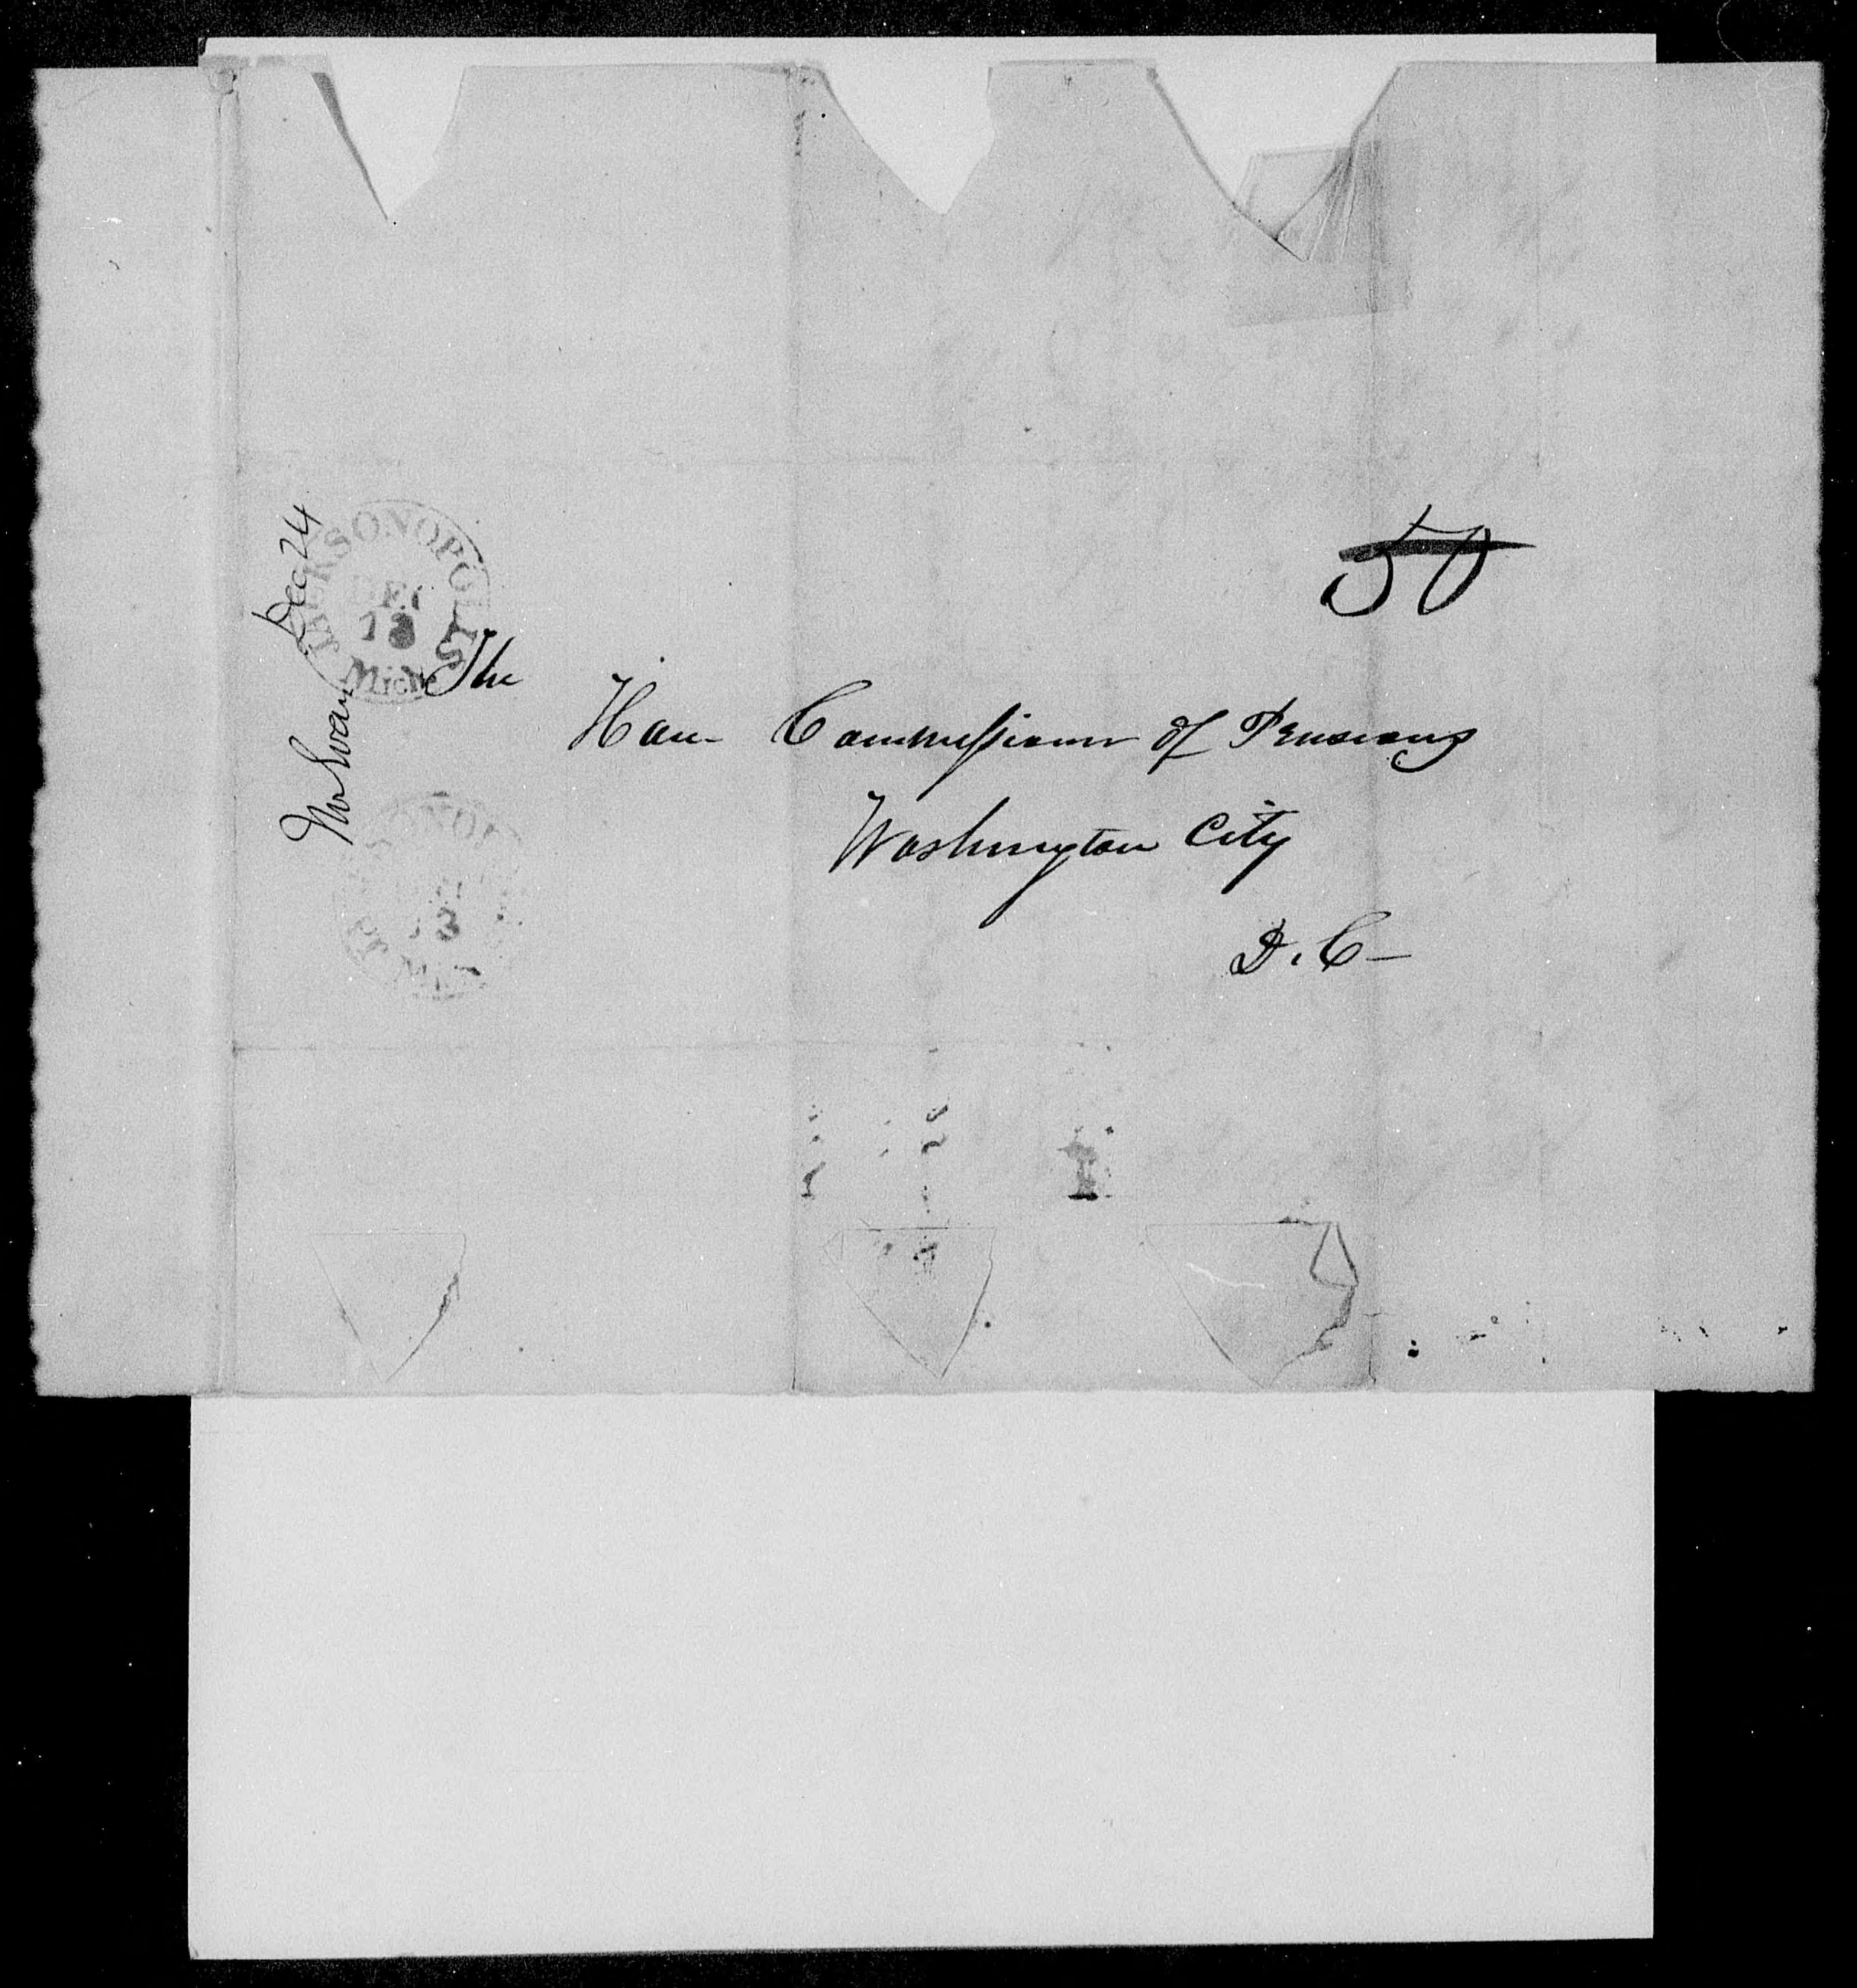Mr Evan   Dec 24
[stamp]
JACKSONOPOLIS Mich DEC 13
JACKSONOPOLIS Mich DEC 13

50

Hon Commissioner of Pensions
Washington City
D.C.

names: Evan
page: 19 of 32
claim: survivor's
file: S. 34899, John Gibson, R.I.